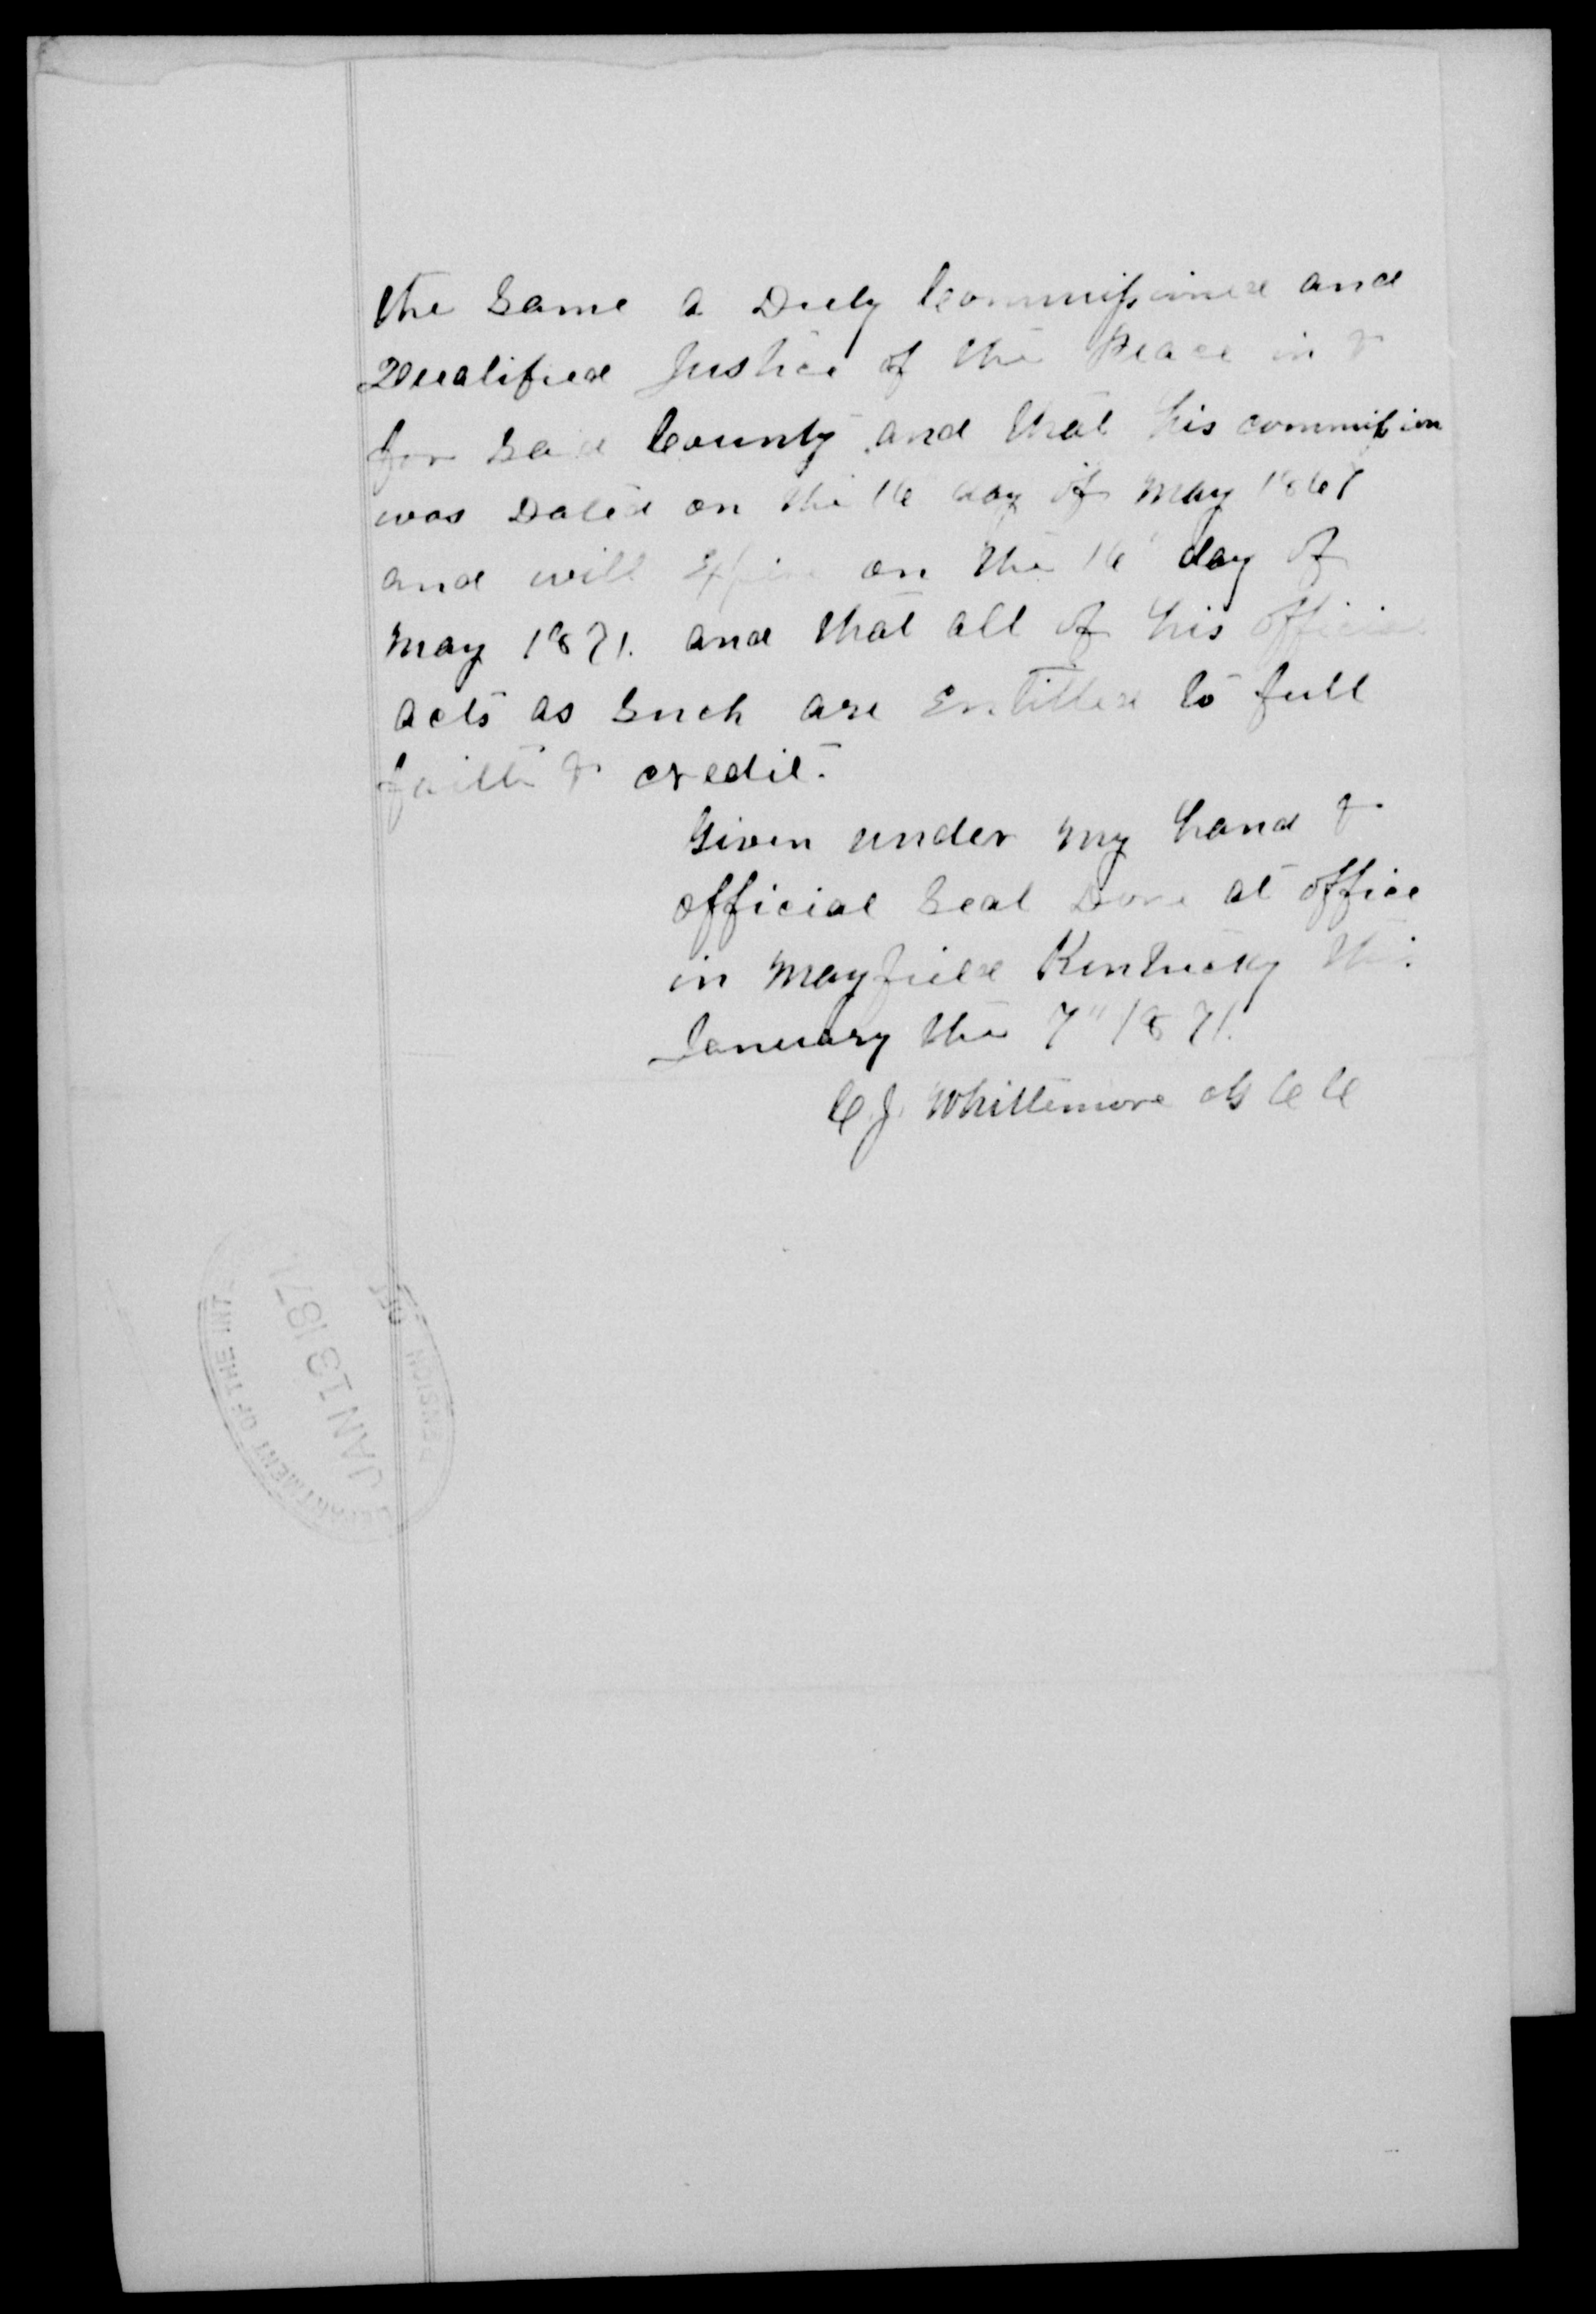the same a Duly Commifsioned and Qualified Justice of the Peace in & for Said County and that his commifsion was Dated on the 16 day of May 1867 and will Expire on the 16 day of May 1871 and that all of his official Acts as Such are Entitled to full faith & credit.
Given under my hand & 
official Seal Done at office
in Mayfield Kentucky US
January the 7th 1871.
C. J. Whitmore GCC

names: C J Whitlemore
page: 36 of 61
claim: widow's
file: W. 11554, for John Stafford, Maryland